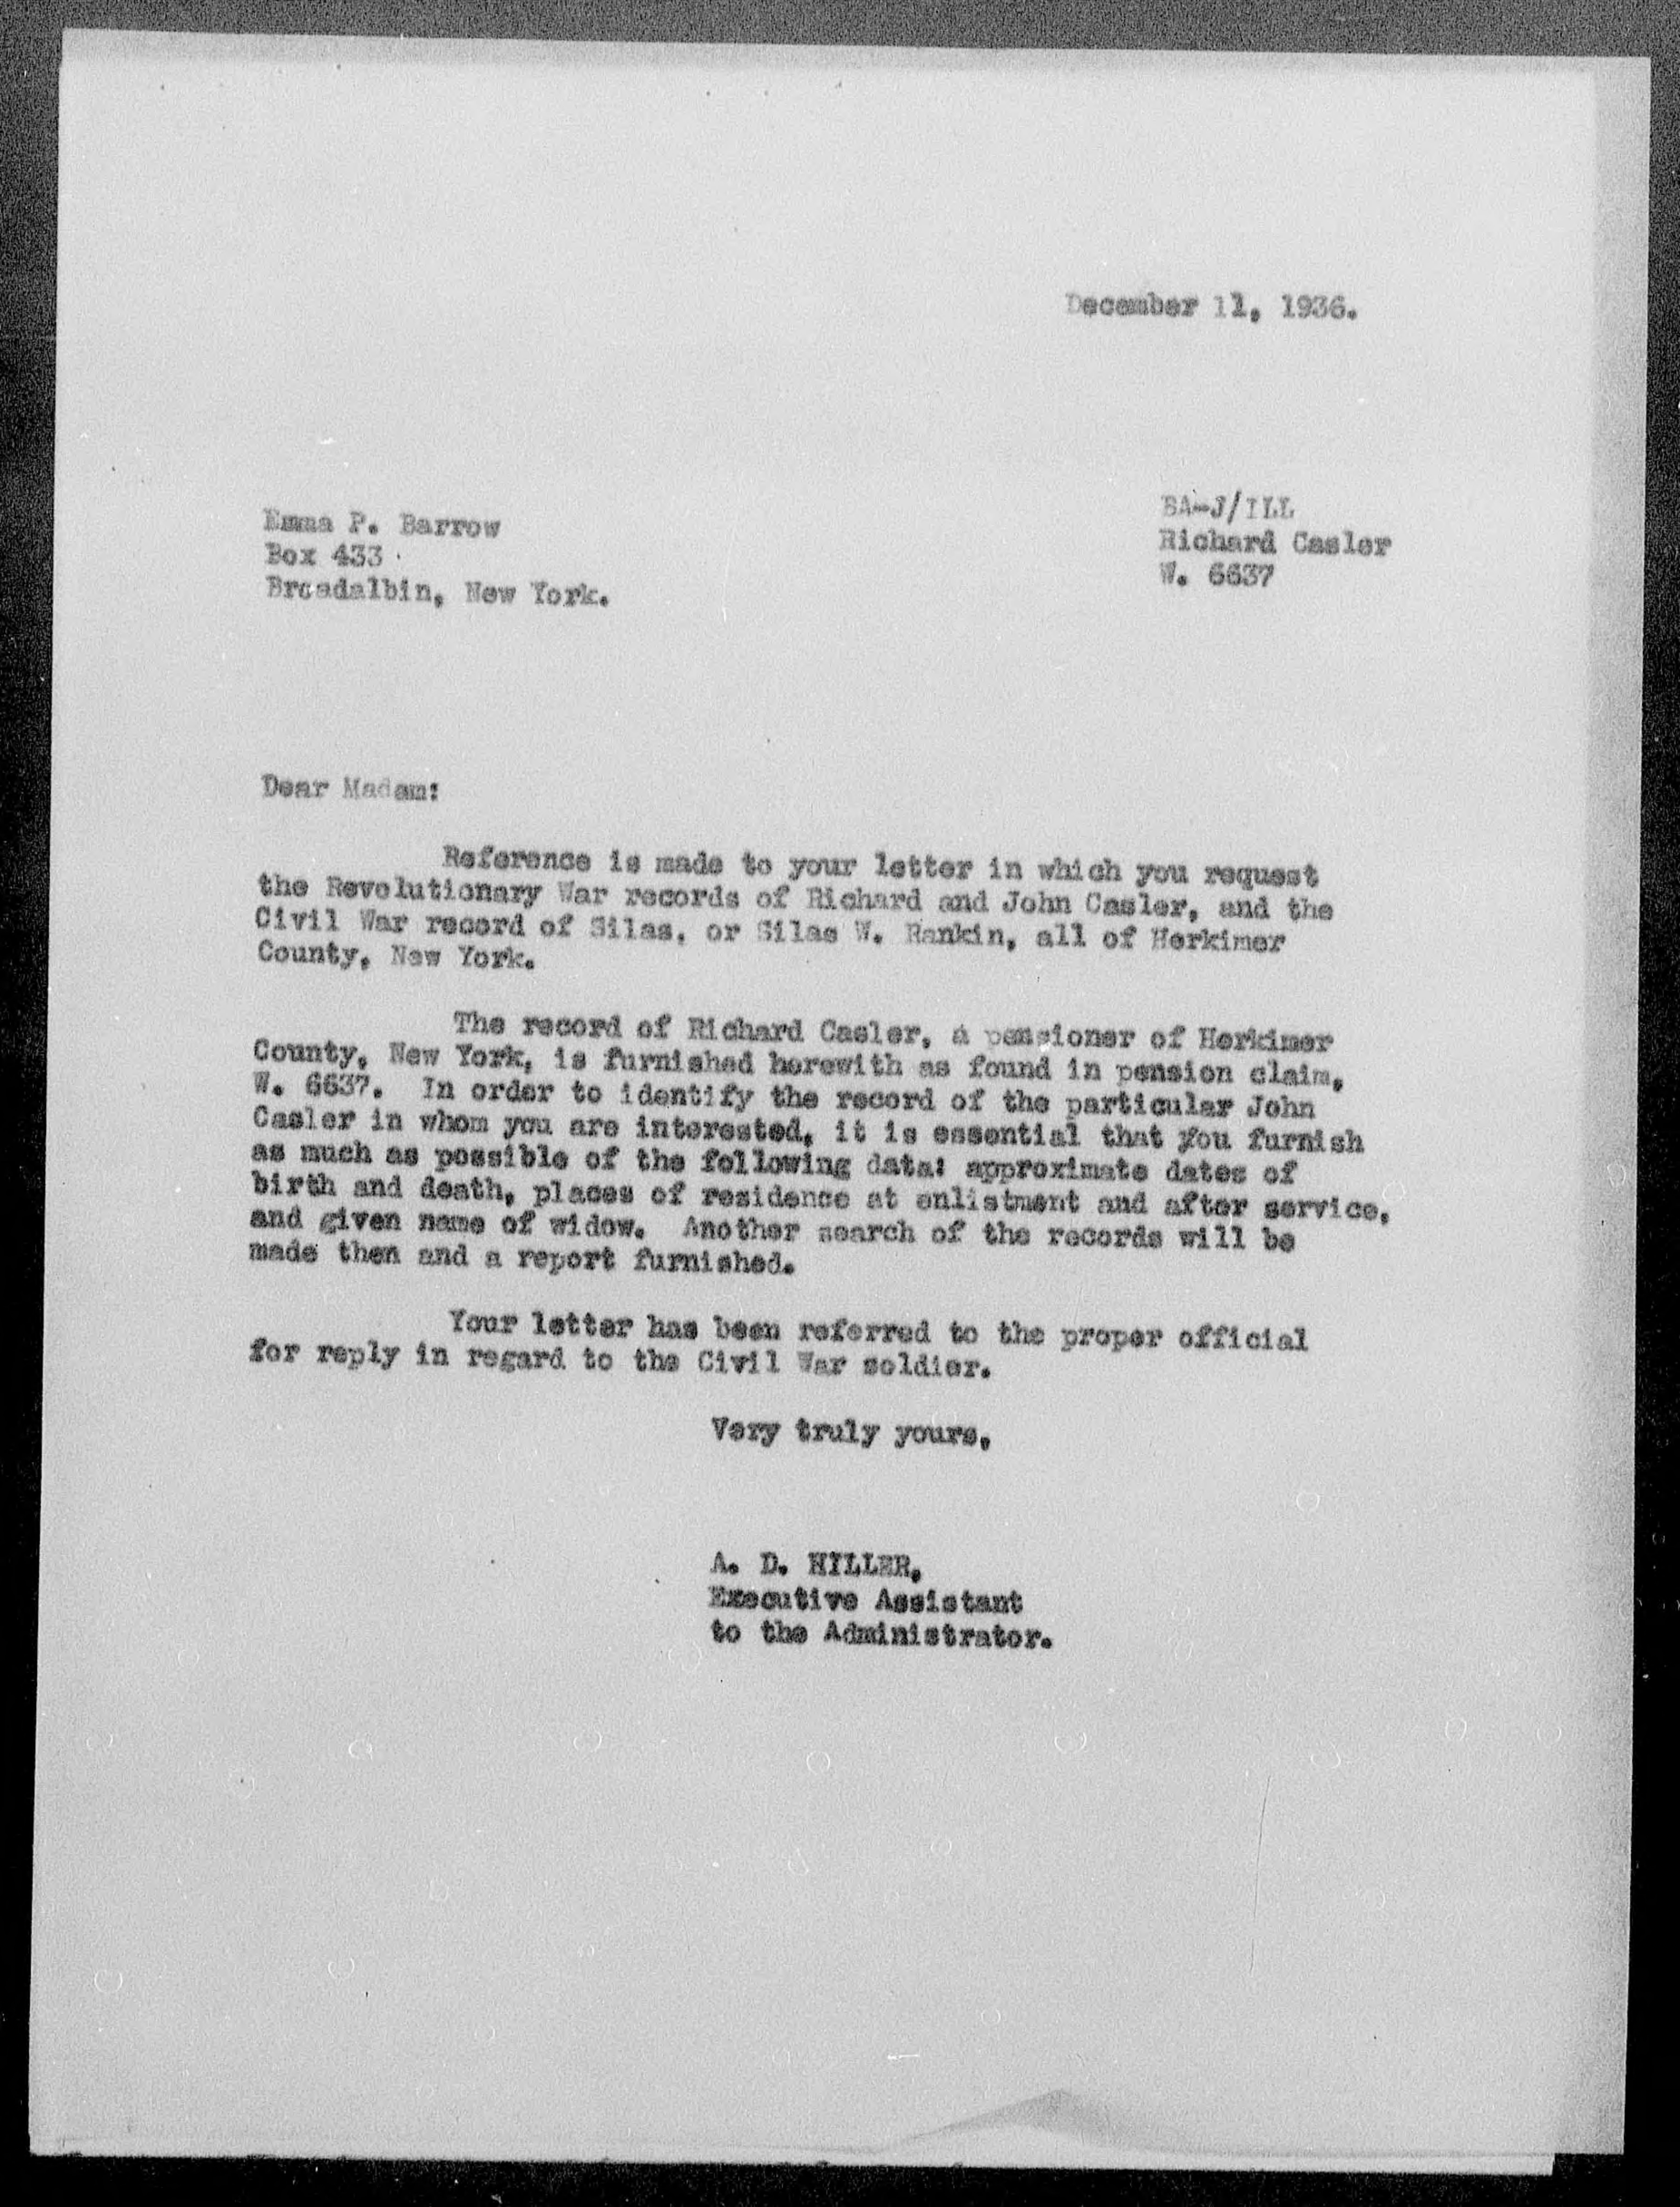December 11, 1936. 
BA-J/ILL
Richard Casler 
W. 6637 
Emma P. Barrow 
Box 433 
Broadalbin, New York. 
Dear Madam: 
Reference is made to your letter in which you request the Revolutionary War records of Richard and John Casler, and the Civil War record of Silas, or Silas W. Rankin, all of Herkimer County, New York. 
The record of Richard Casler, a pensioner of Herkimer County, New York, is furnished herewith as found in pension claim, W. 6637. In order to identify the record of the particular John Casler in whom you are interested, it is essential that you furnish as much as possible of the following data: approximate dates of birth and death, places of residence at enlistment and after service. and given name of widow. Another search of the records will be made then and a report furnished. 
Your letter has been referred to the proper official for reply in regard to the Civil War soldier. 
Very truly yours, 
A. D. HILLER, 
Executive Assistant to the Administrator.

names: Richard Casler, Silas Rankin, A D Hiller, Richard Casler, Emma P Barrow, Richard Casler, John Casler, John Casler, Silas W Rankin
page: 66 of 66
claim: widow's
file: W. 6637, Richard Caslar, New York